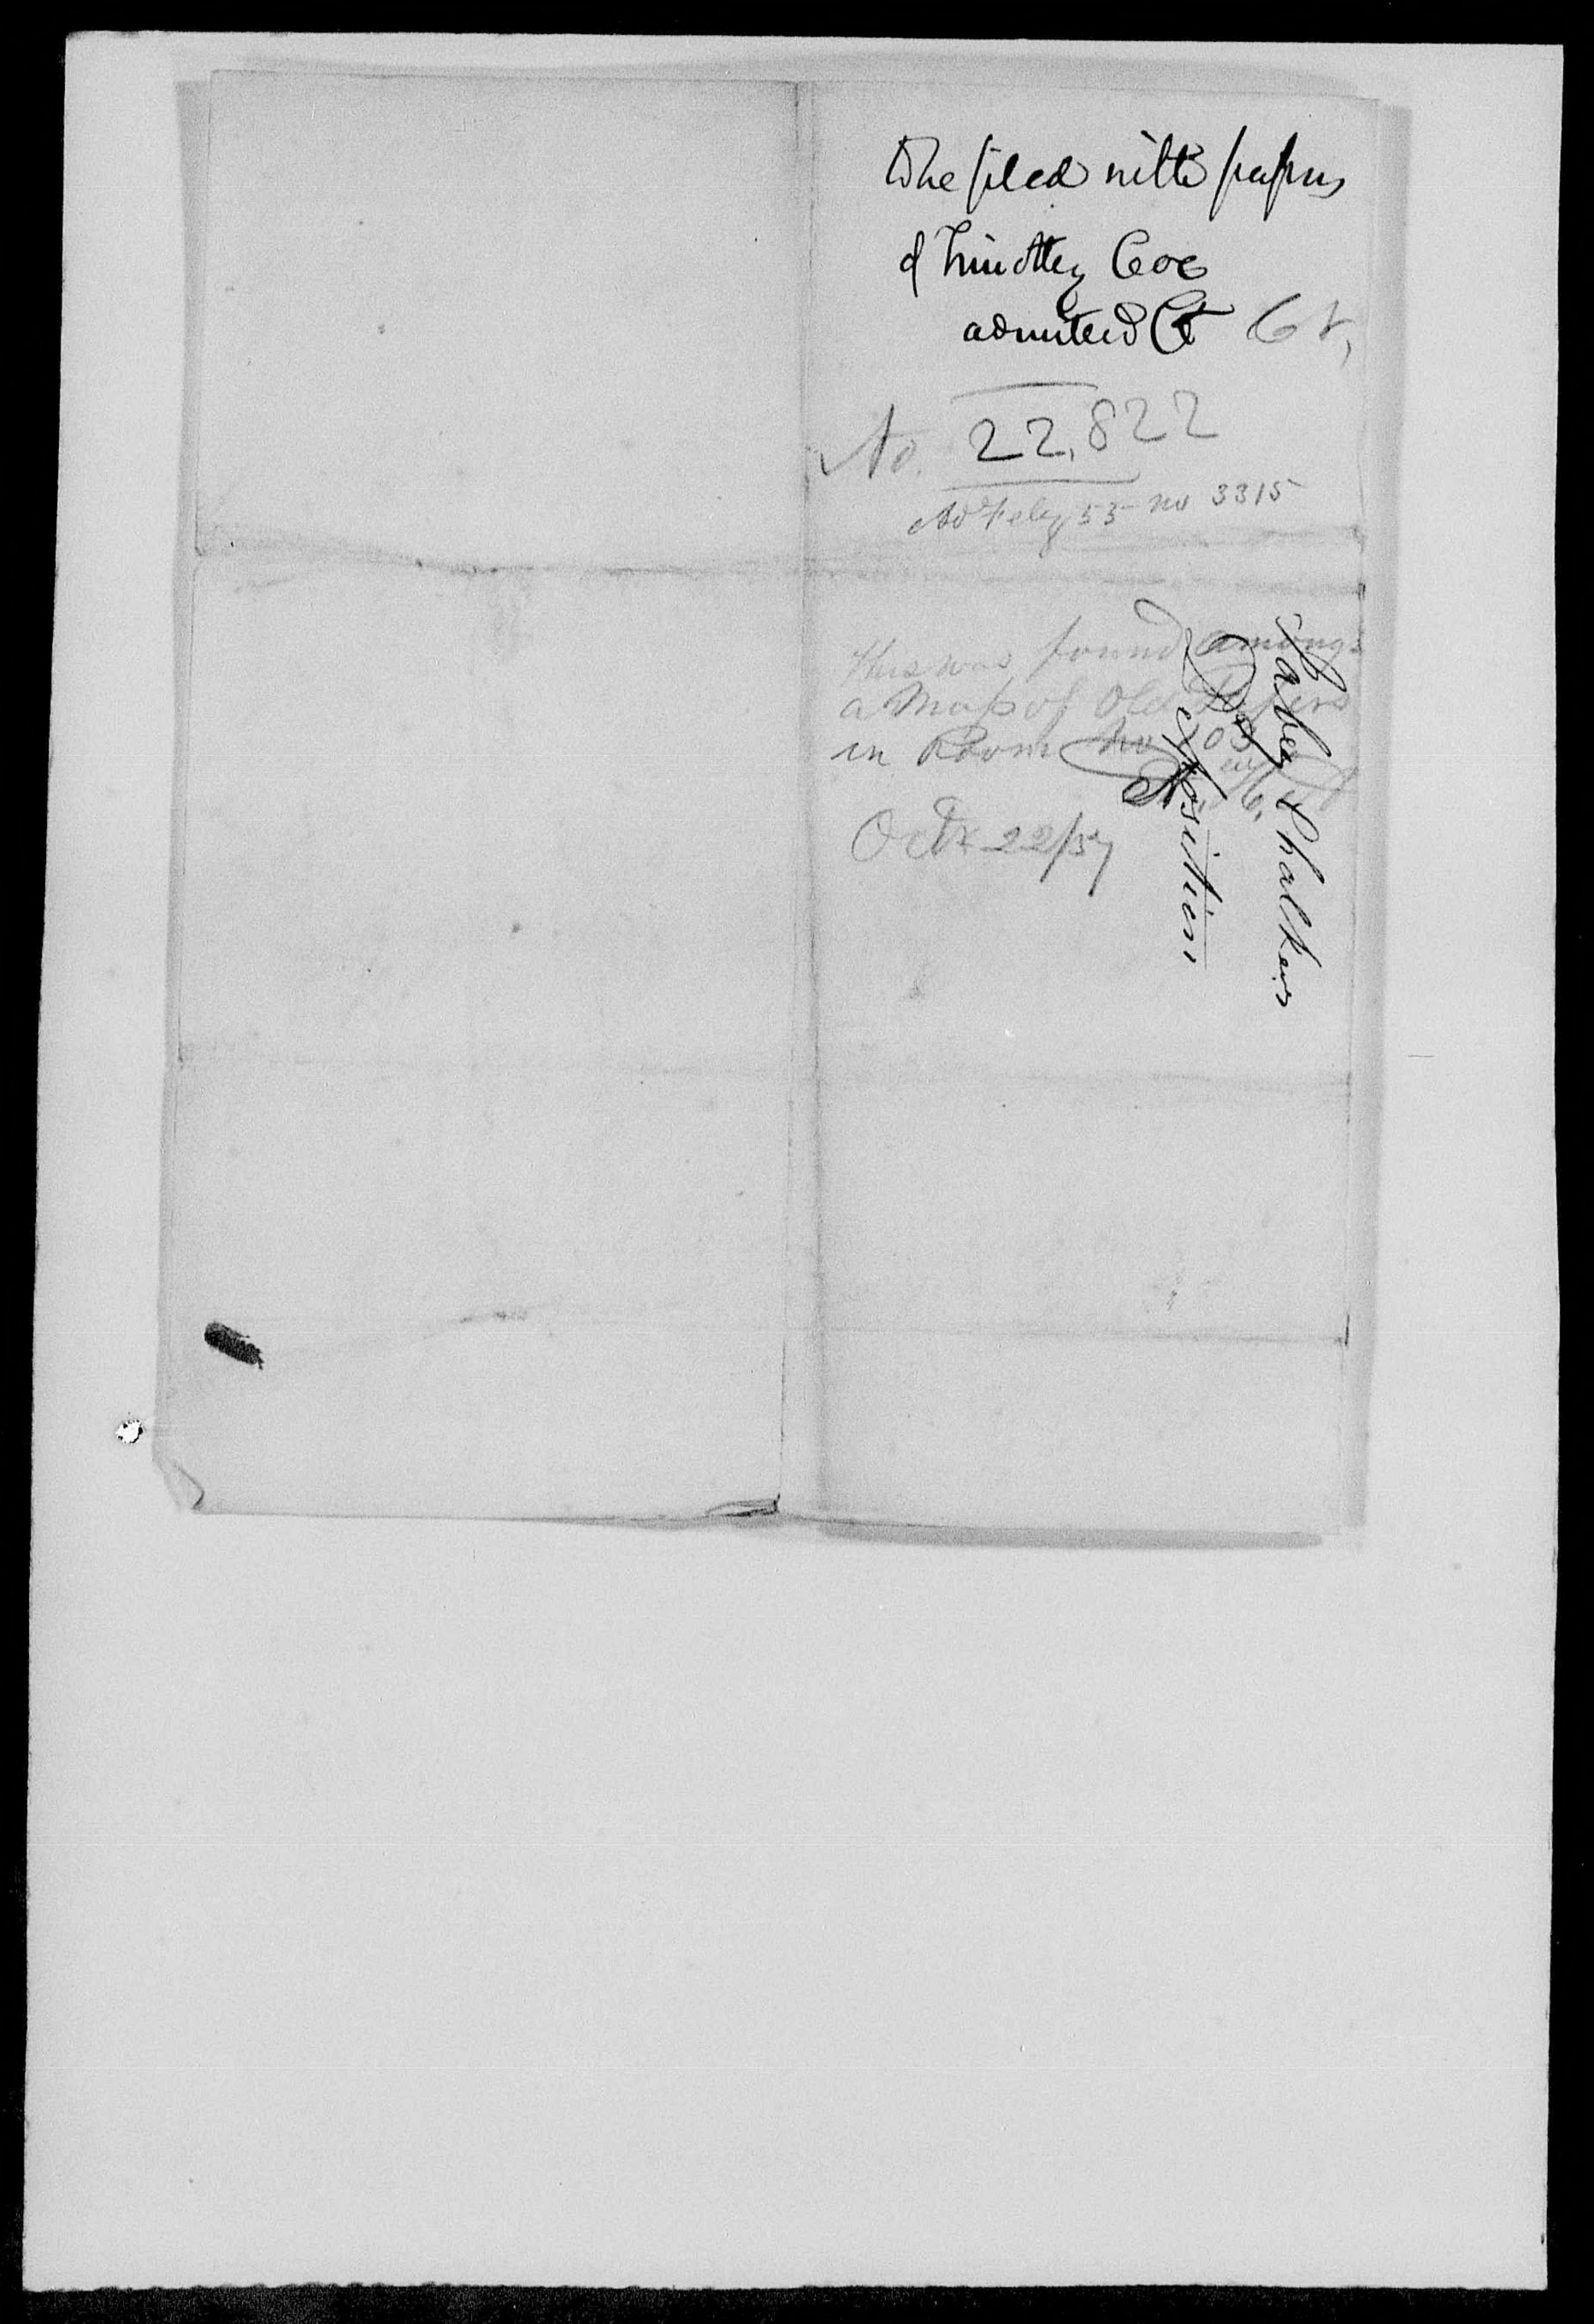The filed with papers
of Timothy Coe
admitted Ct.
No 22822
Adm Feby 55 no 3315

This was found among a mass of old papers in Room No 103
HH
Oct 22/37

Jabez Chalkers
Deposition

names: Jabez Chalker, Timothy Coe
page: 52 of 76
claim: widow's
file: W. 5,250, Timothy Coe, Conn.